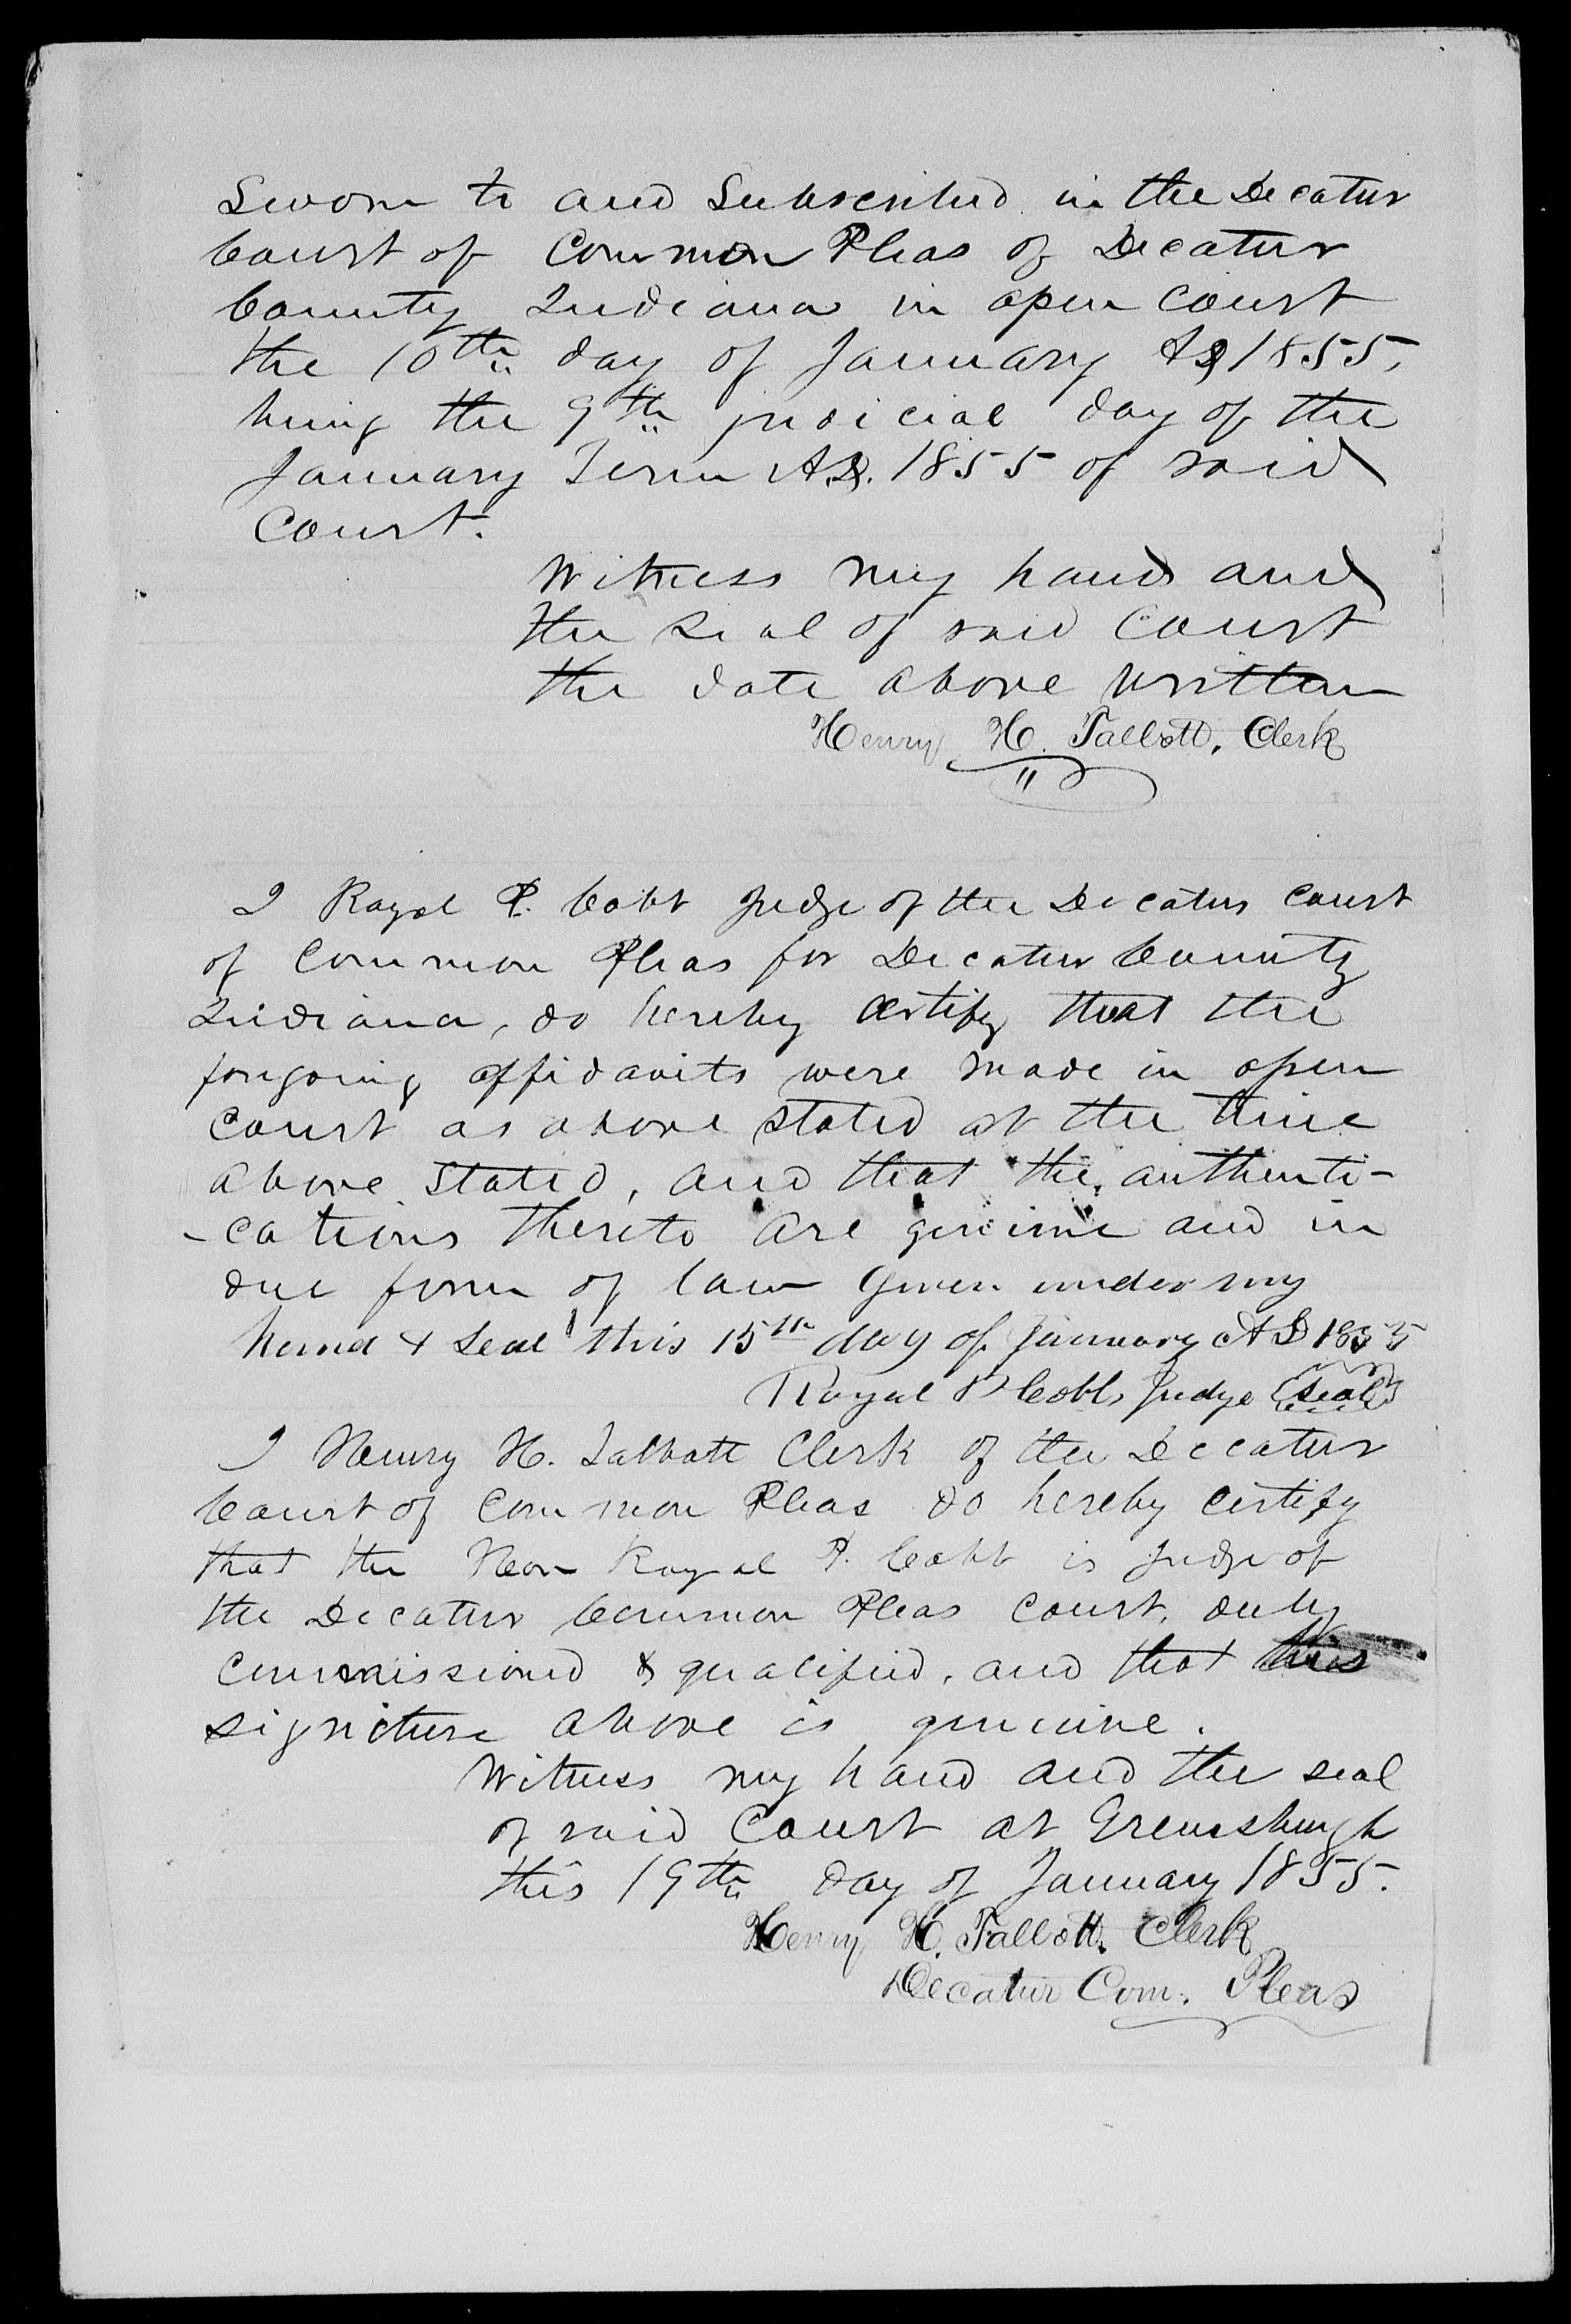Sworn to and Subscribed in the Decatur Court of Common Pleas of Decatur County Indiana in open court the 10th day of January AD 1855 being the 9th judicial day of the January Term AD. 1855 of said Court.
Witness my hand and the seal of said Court the date above written
Henry H. Talbott, Clerk [signature]

I Royal P Cobb Judge of the Decatur Court of Common Pleas for Decatur County Indiana, do hereby certify that the foregoing affidavits were made in open court as above stated at the time above stated, and that the authentications thereto are genuine and in due form of law given under my hand & seal this 15th day of January AD 1855
Royal P Cobb, Judge [signature] seal [written & circled]

I Henry H. Talbott Clerk of the Decatur Court of Common Pleas do hereby certify that the Hon. Royal P. Cobb is Judge of the Decatur Common Pleas Court, duly commissioned & qualified, and that the signature above is genuine.
Witness my hand and the seal of said Court at Greensburgh this 19th day of January 1855
Henry H. Talbott, clerk
Decatur Cour. Pleas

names: Royal P Cobb, Royal P Cobb, Henry H Talbott, Henry H Talbott, Royal P Cobb, Henry H Talbott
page: 13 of 39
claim: widow's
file: W. 11060, Benjamin Gosnell, Va.